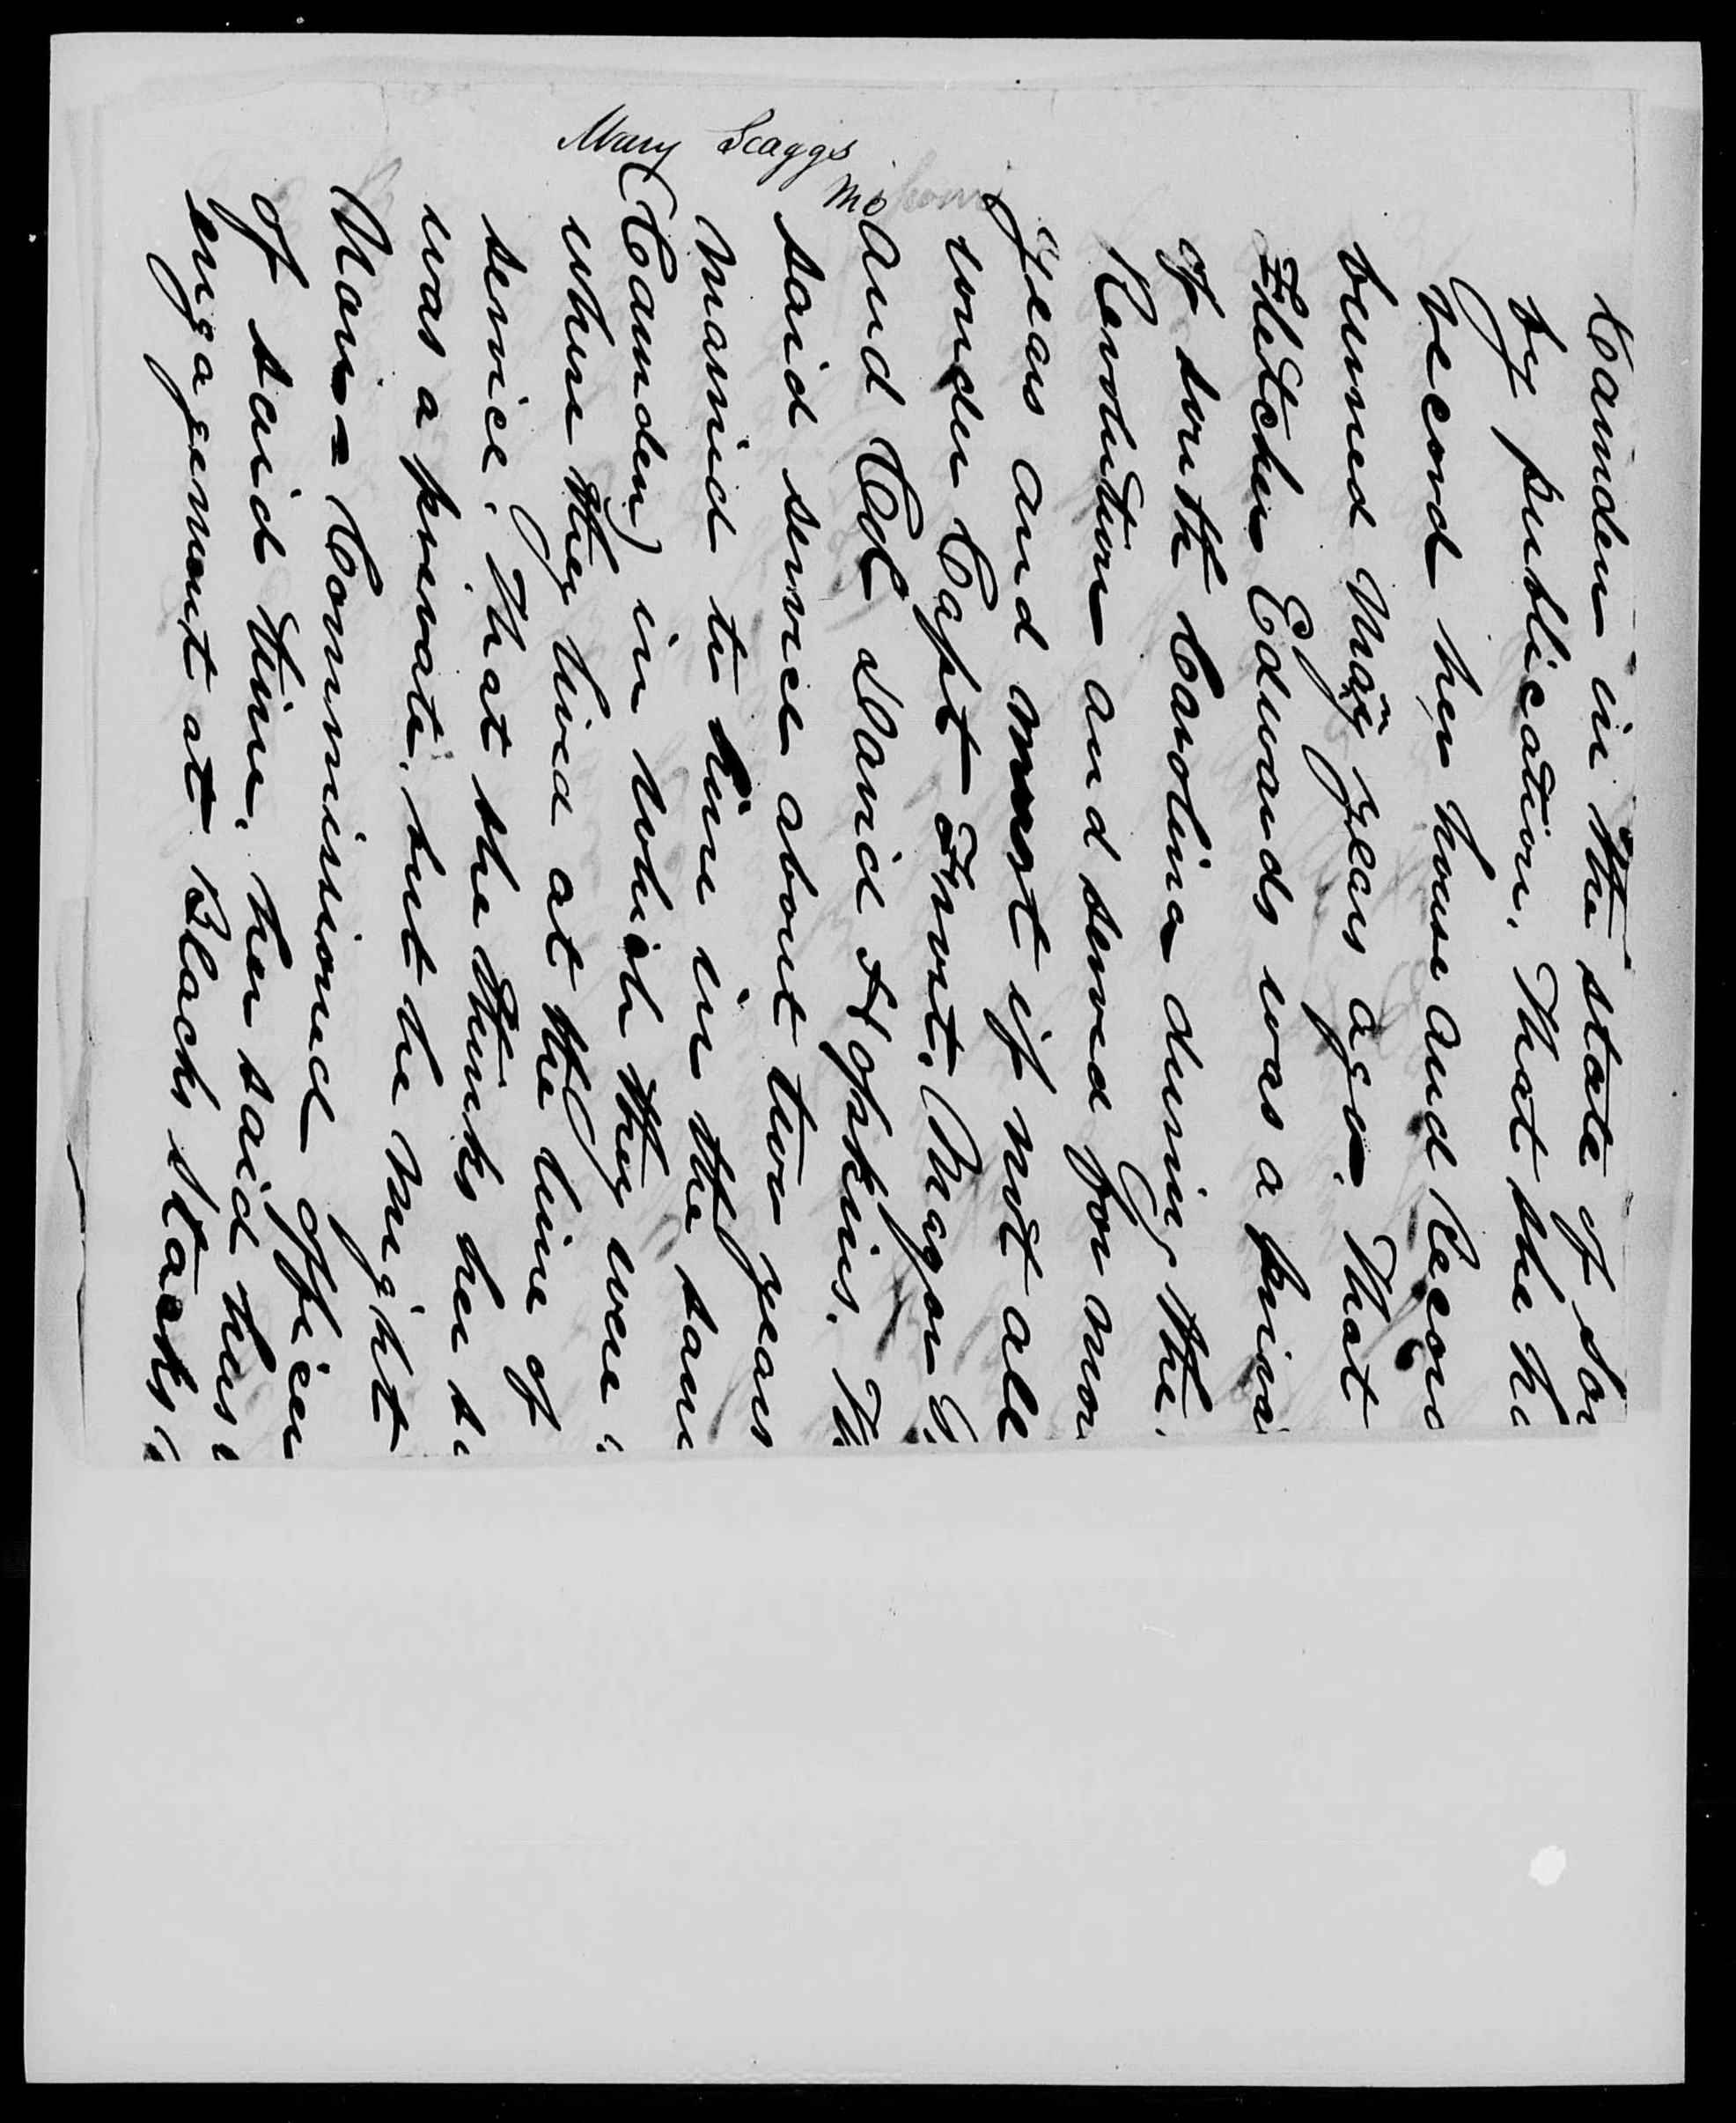Mary Scaggs Mo

[remainder of text is sideways and cut off on each side, this same text is shown on the next page]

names: Frost, Fletcher Edwards, Mary Scaggs, David Hopkins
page: 2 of 16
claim: rejected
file: R. 9,250, Fletcher Edwards, S.C.